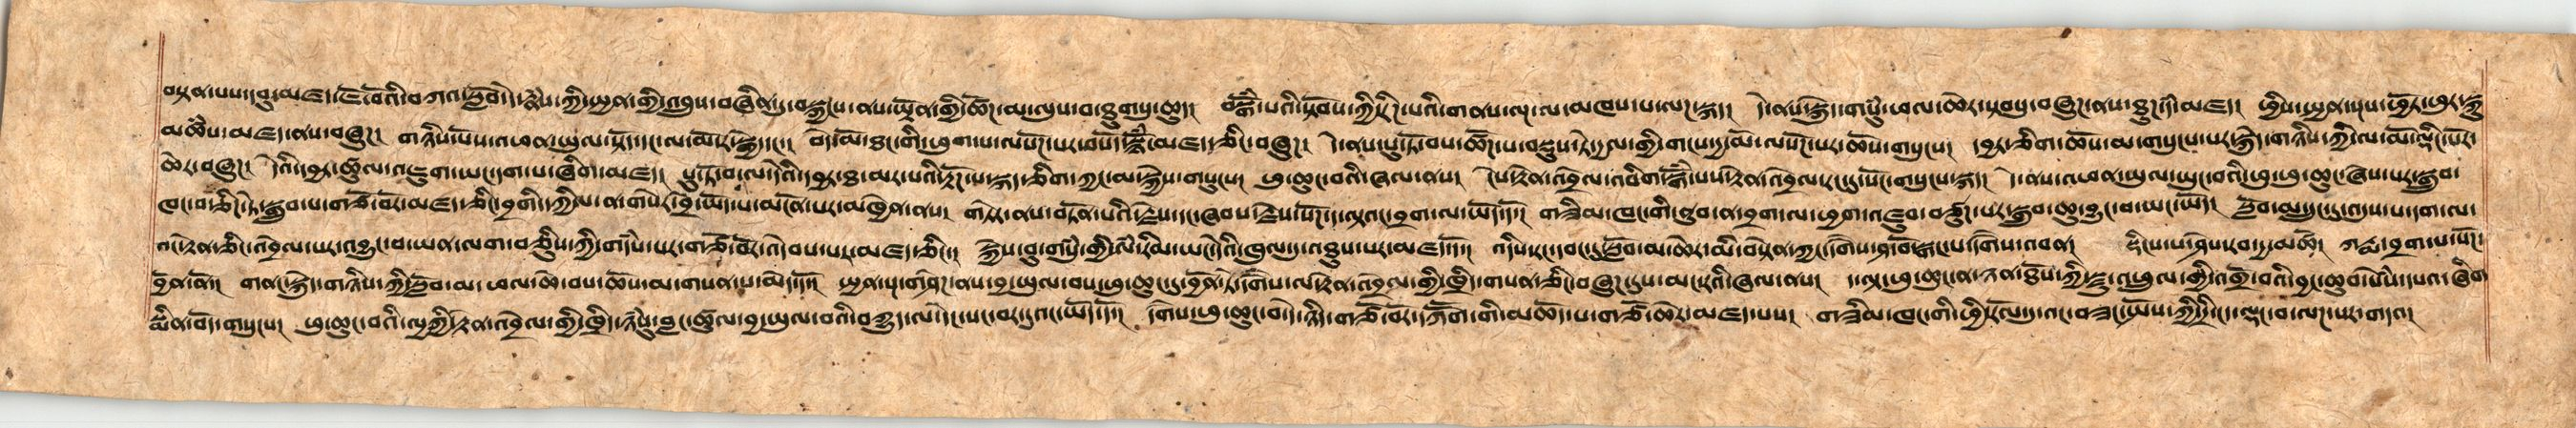བསྟན་པས་དབུ་མཛད་ཇོ་བོའི་བཀའ་སློབ་དེ་རྣཾས་ཀྱི་སྤྱན་གྱི་འབྲུས་བཞིན་དུ་བསྐྱངས་ནས་ཡྟོན་གྱི་ཚོཌ་མ་ལུས་པ་ཐུགསུ་ཆུད། བསྒོཾ་པའི་སྟོབས་ཀྱི་རིཌ་པའི་གནས་ལྔ་ལ་མཁས་པ་ལཌ་སྐད། དེ་ནས་སྐུདེ་གསུཾ་ཕལ་ཆེར་སྟབསུ་བཞུཌ་ནས་ཐུཌ་དཾ་མཛད། ཕྱིས་སྤྱན་སྔས་ཕྱོར་ཕུར་སྐུ
མཚཾས་མཛད་ནས་བཞུཌ། གཉིས་པོས་འཕན་ཡུལ་སྟོད་དང་ལ་མོ་ར་སྒྱེ་དང་། བདེ་མོ་ཐང་གི་ཕུག་པ་ལསོཌ་པར་བསོད་སྙོཾ་མཛད་ཅིང་བཞུཌ། དེ་ནས་པུ་ཏོ་བས་ཚོཌ་པ་བསྡུས་ཏེ་དྱལ་གྱི་གངས་དྱ་མོ་ལསོཌ་པར་ཆོས་གསུངས། དབྱར་ཅིག་ཆོས་མ་གསུངས་པར་སྐེུད་གཉིས་ཀྱི་ལ་མོ་སྡིང་པོར་
ཆེར་བཞུཌ། དེའི་དབྱར་ཚུལ་འཇུག་ཡང་དག་པ་ཞིག་མཛད། པུ་ཏོ་བ་ལ་དེའི་དབྱར་ཐ་མར་པའི་རྟོཌ་པ་སྐད་ཅིག་ཀྱང་མ་སྐྱེས་གསུངས། ཕུ་ཆུང་བའི་ཞལ་ནས། ངེས་རྟེན་འབྲེལ་འབིག་སྒོཾ་པས་རྟེན་འབྲེལ་རང་དུ་སོང་གསུངས་སྐད། དེ་ནས་འཕན་ཡུལ་ཡུང་བའི་ཕུ་ཕུ་ཆུང་ཞེས་པར་སྒྲུབ་
ཁང་བརྩིཌ་ཏེ་སྒྲུབ་པ་གཙོ་བོར་མཛད་ཅིང་བྲགི་དཀྱིལ་ན་གསེར་བྲེ་ཡོད་པ་མངོན་པར་མཁྱེན་ནས། གཏེར་ནས་བཏོན་པའི་རྗེས་དང་ཞབས་རྗེས་སོཌ་ད་ལྟའང་བྲག་ལ་ཡོད་དོ་། གཟིམ་ཁང་གི་ནུབ་ན་བྲག་ལ་ཕྱག་འཛུབ་བཙུཌ་པར་སྒྲུབ་ཆུ་བྱུང་བ་ཡང་ཡོད། སློབ་མ་དྲུང་དུ་འདུས་པ་དག་ལ་
འང་རྟེན་ཅིང་འབྲེལ་པར་འབྱུང་བ་ཡན་ལག་བཅིུས་ཀྱི་གདཾས་པར་གཙོ་བོར་འདེབས་པར་མཛད་ཅིང་། སྐྱེས་བུ་གསུཾ་གྱི་ལཾ་རིམ་ཡང་དེའི་ཁུལ་དུ་འཐུས་པར་མཛད་དོ། འདིས་རང་དབང་དུ་སློབ་མ་ཆེར་མི་བསྟེན་ཀྱང་དགཻས་ཤ་བོ་སྒང་པ་དགཻས་འབན། སྡིངས་པ་ཤེས་རབ་དྱ་མཚོ། ཀརྨ་བྲག་པ་སོཌ་་
བྱོན་ནོ་། གནང་སྐེུད་གཉིས་ཀྱི་སློབ་མ་ཕལ་ཆེ་བས་ཆོས་མ་གསན་པ་མེད་དོ། སྤྱན་སྔ་གཤེཌ་ནས་བྱ་ཡུལ་བས་ཕུ་ཆུང་དུ་བྱོན་ཏེ་དགཻས་ལ་རྟེན་འབྲེལ་གྱི་ཁྲིད་གསན་ཅིང་བཞུཌ་དུས་མང་རའི་ཞལ་ནས། ད་ལྟ་ཕུ་ཆུང་ན་ཉན་ཐོས་ཀྱི་སྫུ་འཕྲུལ་གྱི་འགྲོ་བའི་བྱང་ཆུབ་སེསཾ་དཔའ་ཞིག་
སྨིན་བདོ་གསུངས། ཕུ་ཆུང་བའི་ལྱཀྱི་རྟེན་འབྲེལ་གྱི་ཁྲིད་ཉཾསུ་བླང་ཚུལ་བྱ་ཡུལ་བའི་བཀྱུད་ལ་དེང་སང་བར་དུའང་ཡོད་དོ། དགཻས་ཕུ་ཆུང་བ་དེ་ཉིད་གཙོ་བོར་དཀཽག་གི་མཆོད་པ་གཙོ་ཆེར་མཛད་པས། གཟིམ་ཁང་གི་ཕྱི་རོལ་དུ་འང་བཟང་སྤོས་ཀྱི་དྲི་ངད་ལྡང་བ་ལཌ་པར་གདའ།